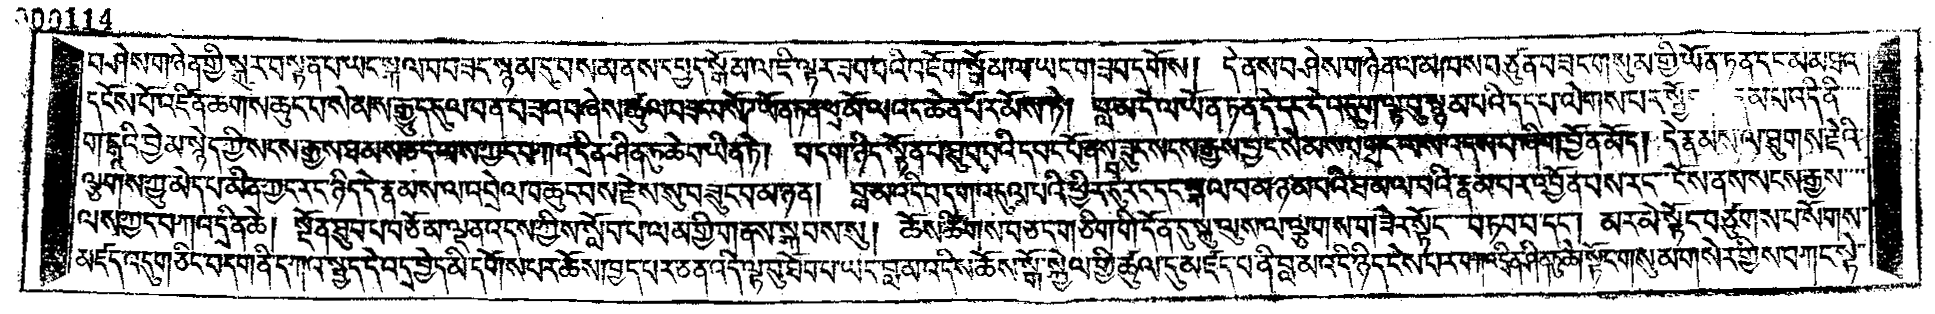བཤེས་གཉེན་གྱི་སྐུར་བསྟན་པ་ཡང་སྐལ་བ་བཟང་སྙམ་དུ་བསམ་ནས་དཔྱད་སྒོམ་ལ་ཇི་ལྟར་ཟབ་པའི་འཇོག་སྒོམ་ལ་ཡང་གཟབ་དགོས། དེ་ནས་བཤེས་གཉེན་ལ་མཁས་བཙུན་བཟང་གསུམ་གྱི་ཡོན་ཏན་དང་མ་མཐའ་
དངོས་པོ་འཛིན་ཆགས་ཆུང་བ་སེམས་རྒྱུད་དུལ་བ་ན་བཟའ་བཞེས་ཚུལ་བཟང་བ་སོགས་ཡོན་ཏན་ཕྲ་མོ་ལའང་ཆེན་པོར་མོས་ཏེ། བླ་མ་དེ་ལ་ཡོན་ཏན་དེ་དང་དེ་འདུག་ལྟ་བུ་སྙམ་པའི་དད་པ་ལེགས་པར་སྦྱོང་། དམ་པ་འདི་ནི་
གངྒཱའི་བྱེ་མ་སྙེད་ཀྱི་སངས་རྒྱས་ཐམས་ཅད་ལས་ཀྱང་བཀའ་དྲིན་ཤིན་ཏུ་ཆེ་བ་ཡིན་ཏེ། བདག་ཉིད་སྟོན་པ་ཐུབ་པའི་དབང་པོ་ནས་བཟུང་སངས་རྒྱས་བྱང་སེམས་བགྲང་ལས་འདས་པ་ཞིག་བྱོན་མོད། དེ་རྣམས་ལ་ཐུགས་རྗེའི་
ལྕགས་ཀྱུ་མེད་པ་མིན་ཀྱང་རང་ཉིད་དེ་རྣམས་ལ་འབྲེལ་བ་ཆུང་བས་རྗེས་སུ་བཟུང་བ་མཉན། བླ་མ་འདི་བདག་འདུལ་བའི་ཕྱིར་དུ་རང་དང་སྐལ་བ་མཉམ་པའི་ཐ་མལ་བའི་རྣམ་པར་འབྱོན་བས་རང་ངོས་ནས་སངས་རྒྱས་
ལས་ཀྱང་བཀའ་དྲིན་ཆེ། སྔོན་ཐུབ་པ་བཅོམ་ལྡན་འདས་ཀྱིས་སློབ་པ་ལམ་གྱི་གནས་སྐབས་སུ། ཆོས་ཚིགས་བཅད་གཅིག་གི་དོན་དུ་སྐུ་ལུས་ལ་ལྕགས་གཟེར་སྟོང་བཏབ་བ་དང་། མར་མེ་སྟོང་བཙུགས་པ་སོགས་
མཛད་འདུག་ཅིང་བདག་ནི་དཀའ་སྤྱད་དེ་འདྲ་བྱེད་མི་དགོས་པར་ཆོས་ཁྱད་པར་ཅན་འདི་ལྟ་བུ་ཐོབ་པ་ཡང་བླ་མ་འདིས་ཆོས་སྒོ་སྐྱེལ་གྱི་ཚུལ་དུ་མཛད་པ་ནི་བླ་མ་འདི་ཉིད་ངེས་པར་བཀའ་དྲིན་ཤིན་ཏུ་ཆེ། སྟོང་གསུམ་གསེར་གྱིས་བཀང་སྟེ་